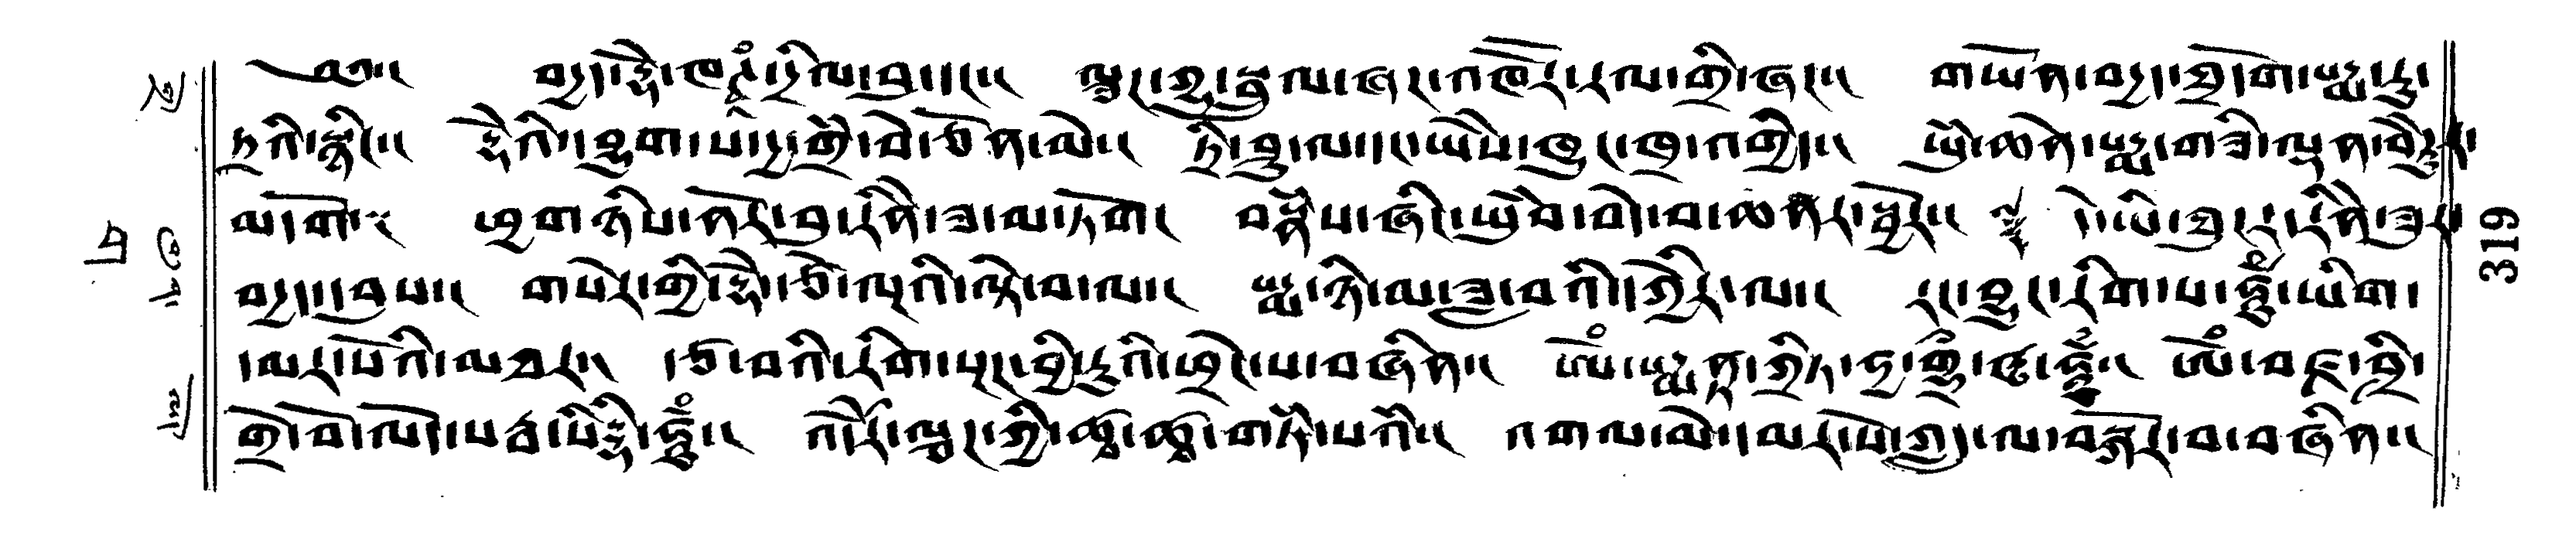བརྒྱད་རྡོ་རྗེ་ཁ་ཊྭཾ་དྲིལ་བུ་དང་། ལྕགས་ཀྱུ་སྦྲུལ་ཞགས་འཁོར་ལོ་རལ་གྲི་ཞགས། །གཡཽན་བརྒྱད་ཐོད་ཁྲག་པདྨ་རུ་
ཏྲའི་སྙིང་། རྡོ་རྗེའི་དབྱུག་པ་རྒྱ་གྲམ་བེ་ཅོན་མེ། །ཏྲི་ཤུ་ལ་དང་ཡེ་ཤེས་ཁྱུང་ཁྲ་འགྱེད། །ཡུམ་ཆེན་པདྨ་གཟི་ལྡན་བཻཌཱུར་
མདོག །ཕྱག་གཉིས་ནོར་བུ་རིན་ཆེན་ཟ་མ་ཏོག །བསྣམས་ཞིང་ཡབ་ཡུམ་བདེ་བ་ཆེན་པོར་སྦྱོར། །དེ་ཡི་ཐུགས་ཀར་རིན་ཆེན་ཟུར་
བརྒྱད་དབུས། །གསེར་གྱི་རྡོ་རྗེ་རྩེ་ལྔའི་ལྟེ་བ་ལ། །པདྨ་ཉི་མ་ཟླ་བའི་དཀྱིལ་འཁོར་ལ། །རང་བྱུང་རིག་པ་ཧཱུྃ་ཡིག་
དམར་པོའི་མཐར། །རྩ་བའི་རིག་སྔགས་བྱི་རུའི་ཕྲེང་བ་བཞིན། ཨོཾ་པདྨནྟ་ཀྲིཏ་ཧྱ་གྷྲྀ་ཝ་ཧཱུྂ། ཨོཾ་བཛྲ་ཤྲཱི་
གྲོ་བོ་ལོད་སརྦ་སིདྡྷི་ཧཱུྃ། འོད་ཟེར་ལྕགས་ཀྱི་ཚྭ་ཚྭ་གཏམ་པའམ། །འགལ་མེ་དམར་པོ་ཀླད་ལ་བསྐོར་བ་བཞིན།